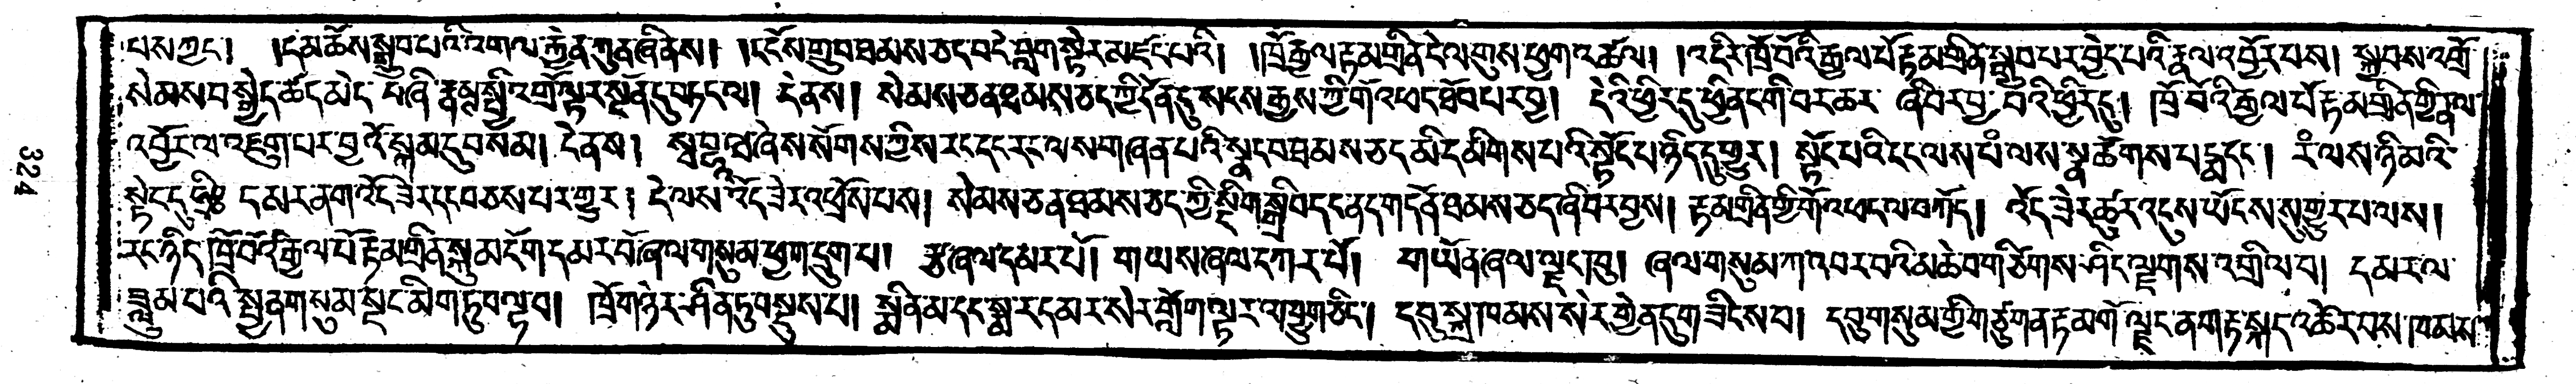པས་ཀྱང་། །དམ་ཆོས་སྒྲུབ་པའི་འགལ་རྐྱེན་ཀུན་ཞི་ནས། །དངོས་གྲུབ་ཐམས་ཅད་བདེ་བླག་སྟེར་མཛད་པའི། །ཁྲོ་རྒྱལ་རྟ་མགྲིན་དེ་ལ་གུས་ཕྱག་འཚལ། །འདིར་ཁྲོ་བོའི་རྒྱལ་པོ་རྟ་མགྲིན་སྒྲུབ་པར་བྱེད་པའི་རྣལ་འབྱོར་པས། སྐྱབས་འགྲོ་
སེམས་བསྒྱེད་ཚད་མེད་བཞི་རྣམས་སྤྱི་འགྲོ་ལྟར་སྔོན་དུ་བཏང་ལ། དེ་ནས། སེམས་ཅན་ཐམས་ཅད་ཀྱི་དོན་དུ་སངས་རྒྱས་ཀྱི་གོ་འཕང་ཐོབ་པར་བྱ། དེའི་ཕྱིར་དུ་ཕྱི་ནང་གི་བར་ཆད་ཞི་བར་བྱ་བའི་ཕྱིར་དུ། ཁྲོ་བོའི་རྒྱལ་པོ་རྟ་མགྲིན་གྱི་རྣལ་
འབྱོར་ལ་འཇུག་པར་བྱའོ་སྙམ་དུ་བསམ། དེ་ནས། སྭ་བྷཱ་ཝ་ཞེས་སོགས་ཀྱིས་རང་དང་རང་ལས་གཞན་པའི་སྣང་བ་ཐམས་ཅད་མི་དམིགས་པའི་སྟོང་པ་ཉིད་དུ་གྱུར། སྟོང་པའི་ངང་ལས་པཾ་ལས་སྣ་ཚོགས་པདམ་དང་། རཾ་ལས་ཉི་མའི་
སྟེང་དུ་ཧྲིཿ དམར་ནག་འོད་ཟེར་དང་བཅས་པར་གྱུར། དེ་ལས་འོད་ཟེར་འཕྲོས་པས། སེམས་ཅན་ཐམས་ཅད་ཀྱི་སྡིག་སྒྲིབ་དང་ནད་གདོན་ཐམས་ཅད་ཞི་བར་བྱས། རྟ་མགྲིན་གྱི་གོ་འཕང་ལ་བཀོད། འོད་ཟེར་ཚུར་འདུས་ཡོངས་སུ་གྱུར་པ་ལས།
རང་ཉིད་ཁྲོ་བོའི་རྒྱལ་པོ་རྟ་མགྲིན་སྐུ་མདོག་དམར་བོ་ཞལ་གསུམ་ཕྱག་དྲུག་པ། རྩ་ཞལ་དམར་པོ། གཡས་ཞལ་དཀར་པོ། གཡོན་ཞལ་ལྗང་ཁུ། ཞལ་གསུམ་ཀ་འབར་བའི་མཆེ་བ་གཙིགས་ཤིང་ལྗགས་འགྲིལ་བ། དམར་ལ་
ཟླུམ་པའི་སྤྱན་གསུམ་སྡང་མིག་ཏུ་བལྟ་བ། ཁྲོ་གཉེར་ཤིན་ཏུ་བསྡུས་པ། སྨིན་མ་དང་སྨ་ར་དམར་སེར་གློག་ལྟར་འཁྱུག་ཅིང་། དབུ་སྐྲ་ཁམས་སེར་གྱེན་དུ་གཟིངས་བ། དབུ་གསུམ་གྱི་གཙུག་ན་རྟ་མགོ་ལྗང་ནག་རྟ་སྐད་འཆོར་བས་ཁམས་